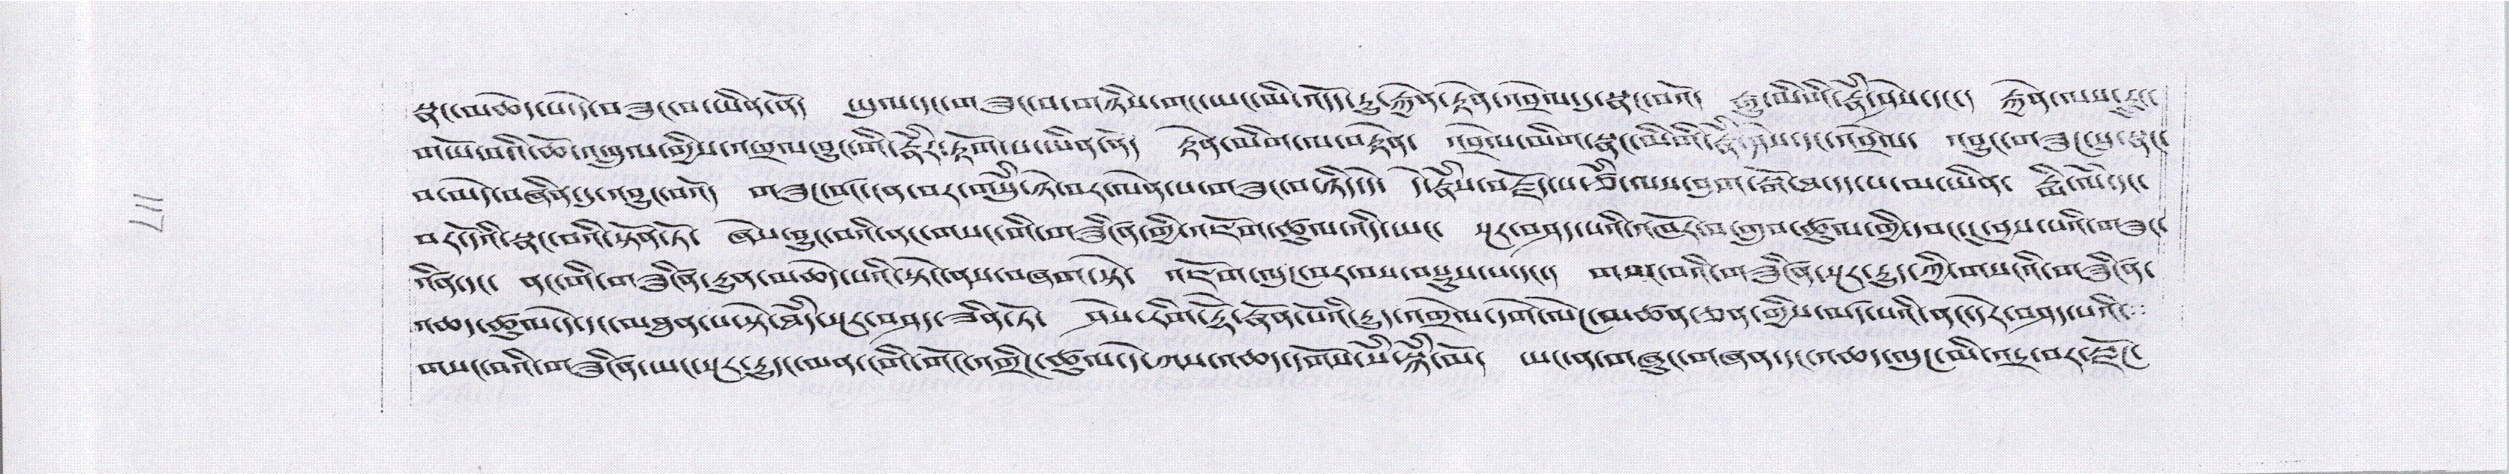སྣང་མཆེད་པ་དེ་གཟུང་བ་ཡིན་ནོ། ཡུལ་དང་གཟུང་བ་གཉིས་གང་དུ་མི་འདོད་རྒྱུ་རྐྱེན་རྟེན་འབྲེལ་ད་སྣང་བའོ། རྒྱུ་མིག་གི་རྣམ་ཤེས་དང་། རྐྱེན་ལས་རླུང་
གཡོ་བའི་ཆོ་འཕྲུལ་གྱིས་འཕྲལ་བྱུང་གི་རྣམ་པར་རྟོག་པ་ཡིན་ནོ། རྟེན་མིག་ལ་བརྟེན་འབྲེལ་མིག་སྣང་མིག་གི་རྣམ་ཤེས་དང་འབྲེལ། འབྱུང་གཟུགས་སུ་སྣང་
བ་མེད་བཞིན་དུ་འབྱུང་བའོ། གཟུགས་བཟང་ངན་བར་གསུམ་ཉེ་བར་ལེན་པ་གཟུང་བ་ཉིད་དེ། དེ་རྣམས་བརྗོད་པ་ཙམ་ལས་བུག་སྒོ་ཐ་དད་པ་མ་ཡིན། རྨི་ལམ་དང་
བར་དོའི་སྣང་བའི་སྟོན་ཏོ། ཞེས་བྱུང་བའི་ནང་གསང་གི་གཟུང་འཛིན་འཇོག་ཚུལ་འདི་ཡང་སྔར་བཤད་པའི་འཁོར་བ་གྲུབ་ཚུལ་གྱི་དབང་དུ་བྱས་པའི་གཟུང་
འཛིན་དང་། ནང་གི་གཟུང་འཛིན་རྒྱུན་འཆད་པའི་སྟེང་ནས་བཞག་སྟེ། འཇོག་ལུགས་བར་པས་བསྡུས་པ་དང་། གསང་བའི་གཟུང་འཛིན་སྔར་རྒྱུད་ཀྱི་གསང་བའི་གཟུང་འཛིན་
འཆད་ཚུལ་དེ་དང་མཐུན་པ་སྟེ་ཐམས་ཅད་སྔར་བཤད་ཟིན་ཏོ། ཤེས་རིག་རྡོ་རྗེ་རྣོན་པོའི་རྒྱུད་འགྲེལ་དགེ་ལེགས་མཚན་ཅན་གྱིས་མཛད་པའི་ནང་དེར་བཤད་པའི་
གསང་བའི་གཟུང་འཛིན་ཡང་སྔར་རྒྱུད་མན་ངག་གི་གོང་འགྲིག་ཚུལ་དེ་ཀས་འཆད་དགོས་སམ་སྙམ་མོ། ཡང་ན་གཞུང་གཞན་དང་འཆད་ལུགས་མི་འདྲ་བར་རྫོགས་